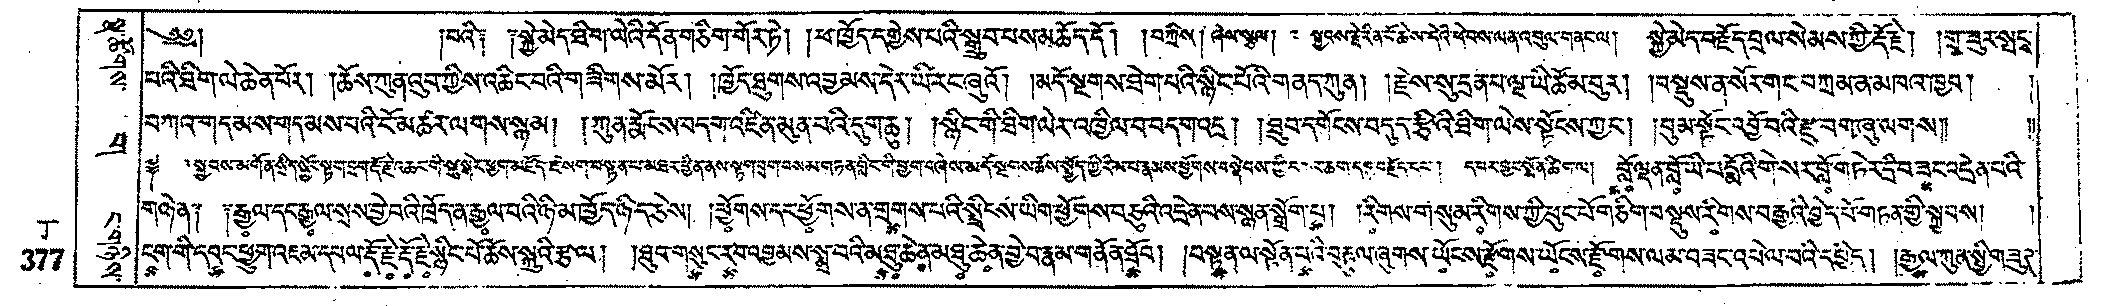༄༅། །བའི༑ ༑སྐྱེ་མེད་ཐིག་ལེའི་དོན་གཅིག་གོར་ཏེ། །ཕ་ཁྱོད་དགྱེས་པའི་སྒྲུབ་པས་མཆོད་དོ། ། བཀྲིས། ཞེས་སྩལ ༧་སྐྱབས་རྗེ་རིན་པོ་ཆེས་དེའི་ཕེབས་ལན་འགུལ་གནང་ལ།  སྐྱེ་མེད་བརྗོད་བྲལ་སེམས་ཀྱི་རྡོ་རྗེ། །གྲྭ་ཟུར་སྤངས་
པའི་ཐིག་ལེ་ཆེན་པོར། །ཆོས་ཀུན་འུབ་ཀྱིས་འཆིང་བའི་གཟིགས་མོར། །ཁྱོད་ཐུགས་འབྱམས་དེར་ཡི་རང་ཞུའོ། །མདོ་སྔགས་ཐེག་པའི་སྙིང་པོའི་གནད་ཀུན། །རྗེས་སུ་དྲན་པ་ལྔ་ཡི་ཚོམ་བུར། །བསྡུས་ན་སོར་གང་བཀྲམ་ན་མཁའ་ཁྱབ། །
བཀའ་གདམས་གདམས་པའི་ངོ་མཚར་ལགས་སྙམ། །ཀུན་རྨོངས་བདག་འཛིན་མུན་པའི་དུག་ཆུ། །སྙིང་གི་ཐིག་ལེར་འཁྱིལ་བ་བདག་འདྲ། །ཐུབ་དགོངས་བདུད་རྩིའི་ཐིག་ལེས་སྟོངས་ཀྱང་། །བུམ་སྟོང་འབྱོ་བའི་རྫུ་བག་ཞུ་ལགས།། །།
འ་༧སྐྱབས་མགོན་སྲིད་སྐྱོང་སྟག་བྲག་རྡོ་རྗེ་འཆང་གི་སྐུ་སྒེར་ཕྱག་མཛོད་ཛ་ས་བསྟན་པ་མཐར་ཕྱིན་ནས་སྟག་བྲག་བསམ་གཏན་གླིང་གི་ཕྱག་བཞེས་མདོ་སྔགས་ཆོས་སྤྱོད་ཀྱི་རིམ་པ་རྣམས་ཕྱོགས་བསྡེབས་ཀྱི་དཀར་ཆག་དབུ་བརྗོད་དང་། དཔར་བྱང་སྨོན་ཚིག་ལ།  བློ྾་ལྡན་བློ྾་ཡི་པདམོའི་གེ་སར་བློ྾་གཏེར་དྲི་བཟང་འདྲེན་པའི་
གཉེན༑ ༑རྒྱལ྾་དང་རྒྱལ྾་སྲས་བྱེ་བའི་ཁྲོད་ན་རྒྱལ྾་བའི་ཉི་མ་ཁྱོད་ཉིད་ཅེས། །ཕྱོགས྾་དང་ཕྱོགས྾་ན་གྲགས་པའི་སྦྲིངས་ཡིག་ཕྱོགས་བཅུའི་འདྲེན་པས་སྙན་སྒྲོག་པ། །རིགས྾་གསུམ྾་རིགས྾་ཀྱི་ཕུང་པོ་གཅིག་བསྡུས་རིགས྾་བརྒྱའི་བྱེད་པོ་གཏན་གྱི་སྐྱབས། །
ངག་གི་དབང་ཕྱུག་འཇམ་དཔལ་རྡོ྾་རྗེ྾་རྡོ྾་རྗེ྾་སྙིང་པོ་ཆོས་སྐུའི་རྩལ། །ཐུབ་གསུང་རབ་འབྱམས་སྨྲ་བའི་མཐུ་ཆེན་མཐུ་ཆེ་བྱེ་བ་རྣམ་གནོན་ཐོབ། །བསྟན་ལ་སྟོན་པའི་བརྟུལ་ཞུགས་ཡོངས྾་རྫོགས་ཡོངས་རྫོགས྾་ལམ་བཟང་འཕེལ་པའི་དཔྱིད། །རྒྱལ་ཀུན་སྤྱི་གཟུཊ་